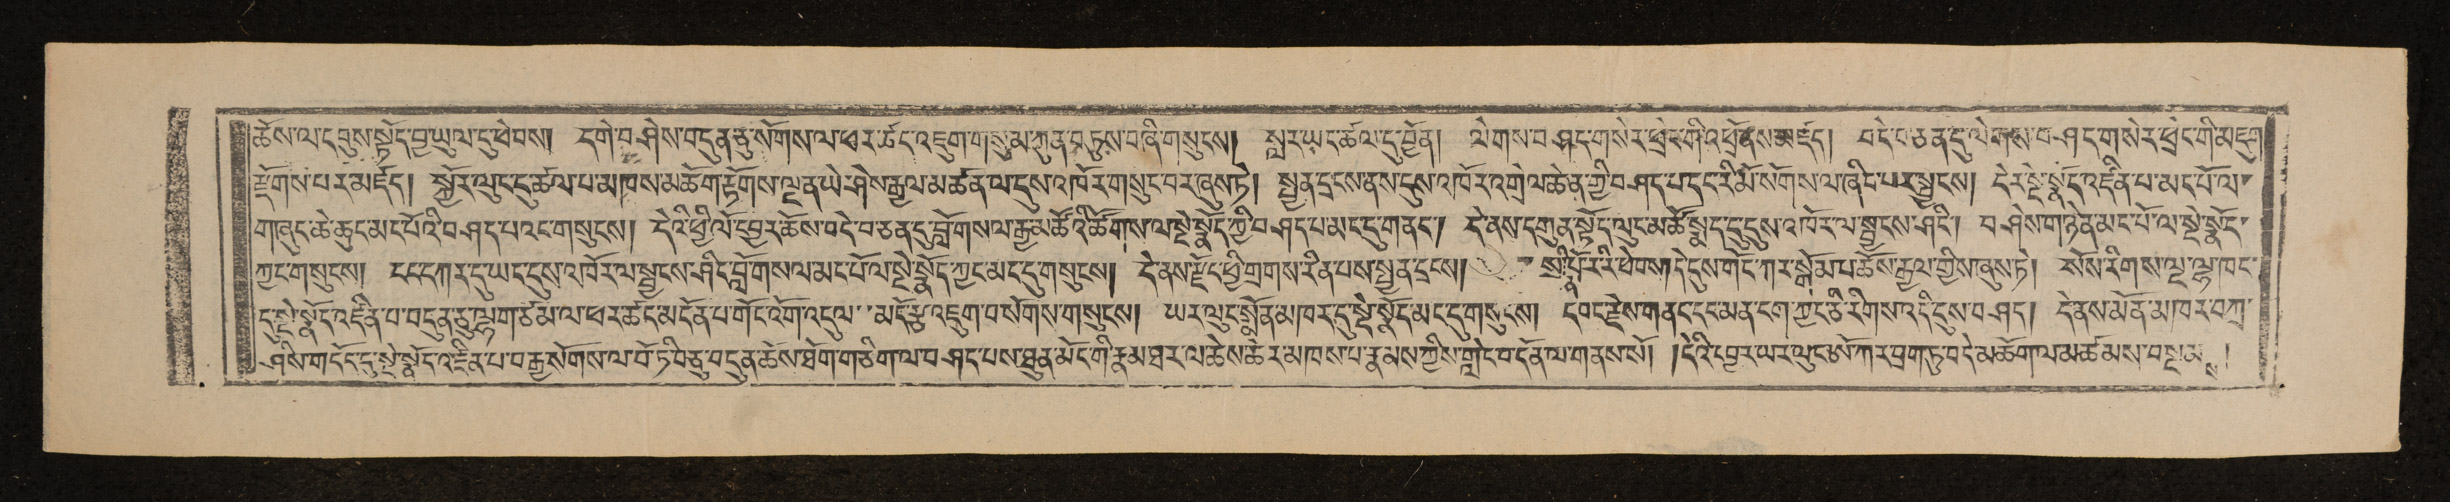ཆོས་ལ་དབུས་སྟོད་བྱ་ཡུལ་དུ་ཕེབས། དགེ་བཤེས་བདུན་ཅུ་སོགས་ལ་ཕར་ཚད་འཇུག་གསུམ་ཀུན་བཏུས་བཞི་གསུངས། སླར་ཡང་ཚལ་དུ་བྱོན། ལེགས་བཤད་གསེར་ཕྲེང་གི་འཕྲོ་ནས་མཛད། བདེ་བ་ཅན་དུ་ལེགས་བཤད་གསེར་ཕྲེང་གི་མཇུག་
རྫོགས་པར་མཛད། སྐྱོར་ལུང་དུ་ཚལ་བ་མཁས་མཆོག་རྟོགས་ལྡན་ཡེ་ཤེས་རྒྱལ་མཚན་ལ་དུས་འཁོར་གསུང་བར་ཞུས་ཏེ། སྤྱན་དྲངས་ནས་དུས་འཁོར་འགྲེལ་ཆེན་གྱི་བཤད་པ་དང་རི་མོ་སོགས་ལ་ཞིབ་པར་སྦྱངས། དེར་སྡེ་སྣོད་འཛིན་པ་མང་པོ་ལ་
གཞུང་ཆེ་ཆུང་མང་པོའི་བཤད་པའང་གསུངས། དེའི་ཕྱི་ལོ་དབྱར་ཆོས་བདེ་བ་ཅན་དུ་བློ་གསལ་རྒྱ་མཚོའི་ཚོགས་ལ་སྡེ་སྣོད་ཀྱི་བཤད་པ་མང་དུ་གནད། དེ་ནས་དགུན་སྟོད་ལུང་མཚོ་སྨད་དུ་དུས་འཁོར་ལ་སྦྱངས་ཤིང་། བཤེས་གཉེན་མང་བོ་ལ་སྡེ་སྣོད་
ཀྱང་གསུངས། དང་དཀར་དུ་ཡང་དུས་འཁོར་ལ་སྦྱངས་ཤིང་བློ་གསལ་མང་པོ་ལ་སྡེ་སྣོད་ཀྱང་མང་དུ་གསུངས། དེ་ནས་རྫོང་ཕྱི་གྲགས་རིན་པས་སྤྱན་དྲངས། སྲིན་པོར་རི་ཕེབས། དེ་དུས་གོང་ཀར་སྒོམ་པ་ཚོས་རྒྱལ་གྱིས་ཞུས་ཏེ། སོས་རིགས་ལྔ་ལྷ་ཁང་
དུ་སྡེ་སྣོད་འཛིན་པ་བདུན་ཅུ་ལྷག་ཙམ་ལ་ཕར་ཚད་མངོན་པ་གོང་འོག་འདུལ་བ་མདོ་རྩ་འཇུག་པ་སོགས་གསུངས། ཡར་ལུང་སྨོན་མཁར་དུ་སྡེ་སྣོད་མང་དུ་གསུངས། དབང་རྗེས་གནང་དང་མན་ངག་ཀྱང་ཅི་རིགས་འདི་དུས་བཤད། དེ་ནས་མོན་མཁར་བཀྲ་
ཤིས་གདོང་དུ་སྡེ་སྣོད་འཛིན་པ་བརྒྱ་སོགས་ལ་པོ་ཏི་བཅུ་བདུན་ཆོས་ཐོག་གཅིག་ལ་བཤད་པས་ཐུན་མོང་གི་རྣམ་ཐར་ལ་ཆེས་ཆེར་མཁས་པ་རྣམས་ཀྱིས་གླེང་བ་དོན་ལ་གནས་སོ། །དེའི་དབྱར་ཡར་ལུང་ཨོ་ཀར་བྲག་ཏུ་བདེ་མཆོག་ལ་མཚམས་བསྡམས།